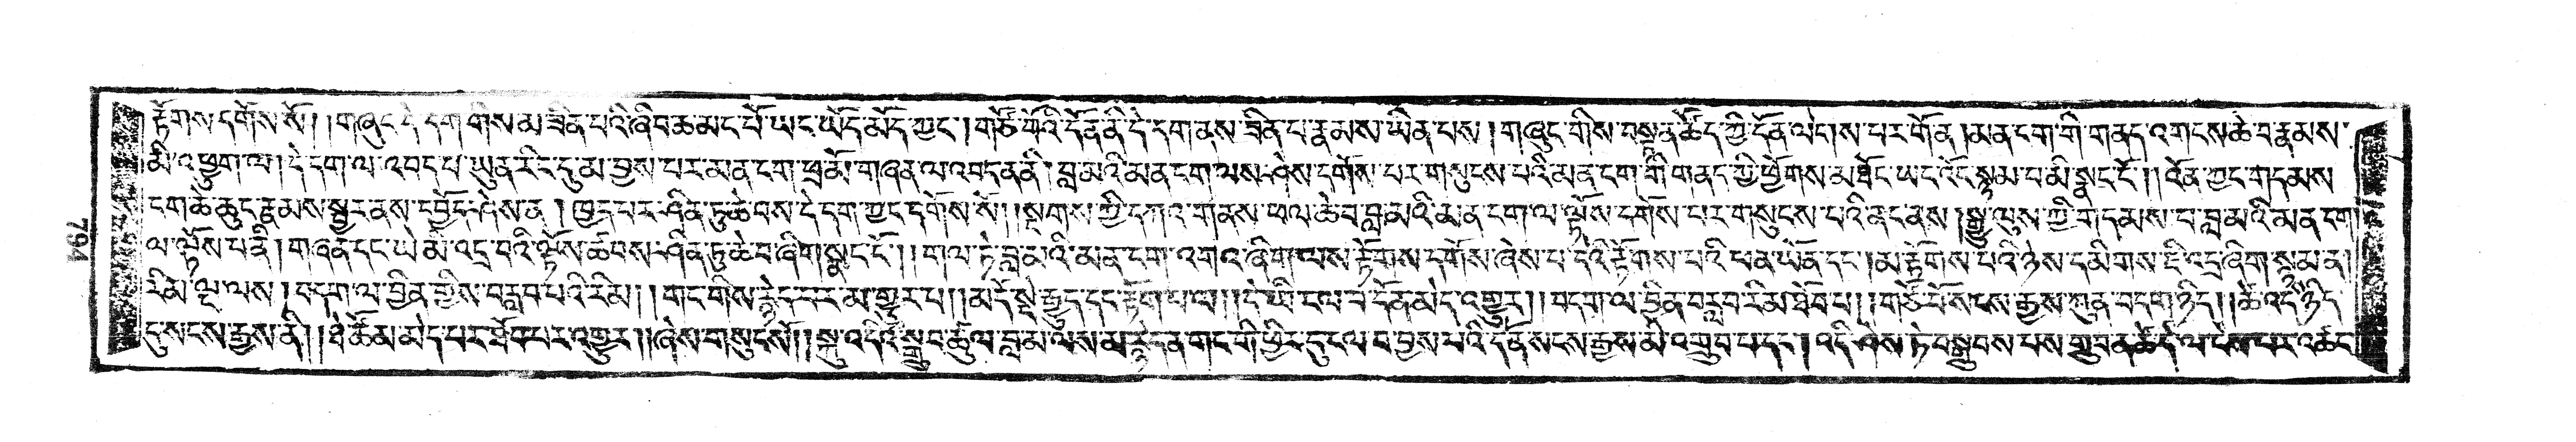རྟོགས་དགོས་སོ། །གཞུང་དེ་དག་གིས་མ་ཟིན་པའི་ཞིབ་ཆ་མང་པོ་ཡང་ཡོད་མོད་ཀྱང་། གཙོ་བོའི་དོན་ནི་དེ་དག་ནས་ཟིན་པ་རྣམས་ཡིན་པས། གཞུང་གིས་བསྟན་ཚོད་ཀྱི་དོན་ལེགས་པར་གོ་ན། མན་ངག་གི་གནད་འགངས་ཆེ་བ་རྣམས་
མི་འཕྱུག་ལ། དེ་དག་ལ་འབད་པ་ཡུན་རིང་དུ་མ་བྱས་པར་མན་ངག་ཕྲ་མོ་གཞན་ལ་འབད་ན་ནི། བླ་མའི་མན་ངག་ལས་ཤས་དགོས་པར་གསུངས་པའི་མན་ངག་གི་གནད་ཀྱི་ཕྱོགས་མཐོང་ཡང་འོད་སྙམ་པ་མི་སྣང་ངོ། །འོན་ཀྱང་གདམས་
ངག་ཆེ་ཆུང་རྣམས་སྦྱར་ནས་དཔྱོད་ཤེས་ན། ཁྱད་པར་ཤིན་ཏུ་ཆེ་བས་དེ་དག་ཀྱང་དགོས་སོ། །སྔགས་ཀྱི་དཀའ་གནས་ཕལ་ཆེ་བ་བླ་མའི་མན་ངག་ལ་ལྟོས་དགོས་པར་གསུངས་པའི་ནང་ནས། སྒྱུ་ལུས་ཀྱི་གདམས་པ་བླ་མའི་མན་ངག་
ལ་ལྟོས་པ་ནི། གཞན་དང་ཡེ་མི་འདྲ་བའི་ལྟོས་ཚབས་ཤིན་ཏུ་ཆེ་བ་ཞིག་སྣང་ངོ། །གལ་ཏེ་བླ་མའི་མན་ངག་འབའ་ཞིག་ལས་རྟོགས་དགོས་ཞེས་པ་དེའི་རྟོགས་པའི་ཕན་ཡོན་དང་། མ་རྟོགས་པའི་ཉེས་དམིགས་ཇི་འདྲ་ཞིག་སྙམ་ན།
རིམ་ལྔ་ལས། བདག་ལ་བྱིན་གྱིས་བརླབ་པའི་རིམ། །གང་གིས་རྙེད་པར་མ་གྱུར་པ། །མདོ་སྡེ་རྒྱུད་དང་རྟོག་པ་ལ། །དེ་ཡི་ངལ་བ་དོན་མེད་འགྱུར། །བདག་ལ་བྱིན་བརླབ་རིམ་ཐོབ་པ། །གཙོ་བོ་སངས་རྒྱས་ཀུན་བདག་ཉིད། །ཚེ་འདི་ཉིད་
དུ་སངས་རྒྱས་ནི། །ཐེ་ཚོམ་མེད་པར་ཐོབ་པར་འགྱུར། །ཞེས་གསུངས་སོ། །སྐུ་འདིའི་སྒྲུབ་ཚུལ་བླ་མ་ལས་མ་རྙེད་ན་གང་གི་ཕྱིར་དུ་ངལ་བ་བྱས་པའི་དོན་སངས་རྒྱས་མི་འགྲུབ་པ་དང་། འདི་ཤེས་ཏེ་བསྒྲུབས་པས་གྲུབ་ན་ཚེ་དེ་ལ་ངེས་པར་འཚང་